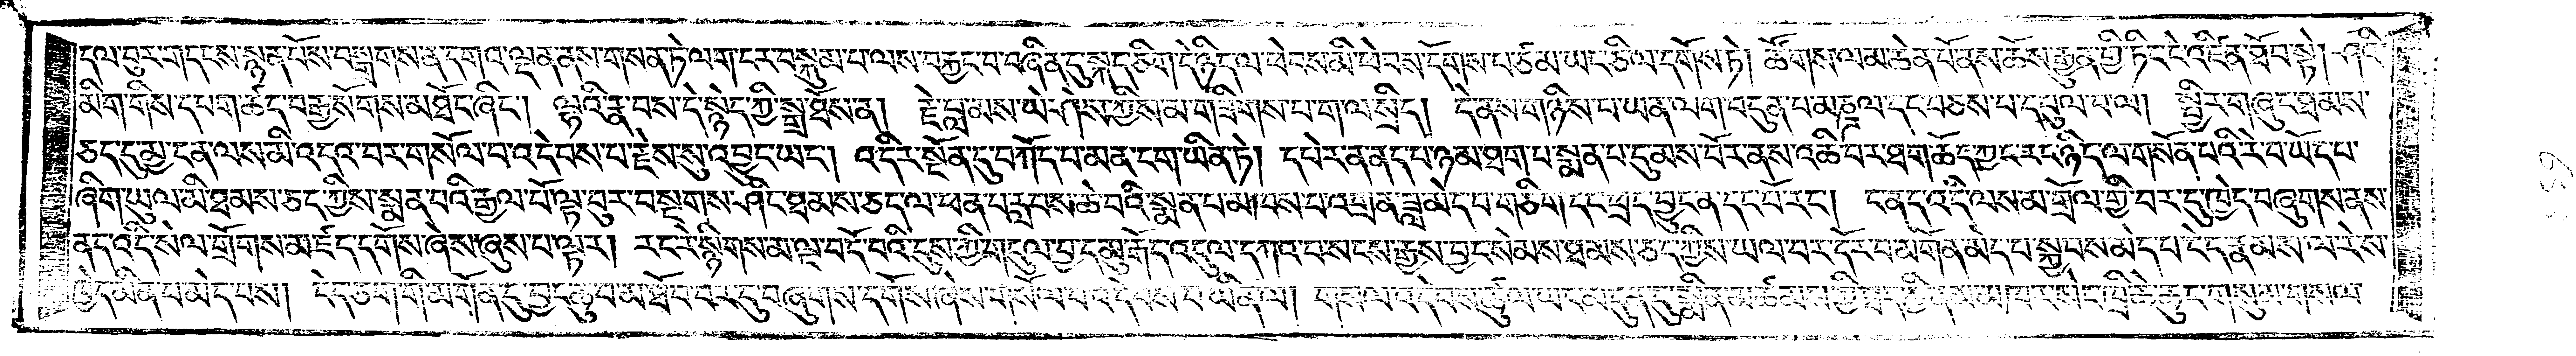དལ་བུར་གདངས་སྙན་པོས་བསྒྲགས་ན་དགའ་ལྡན་ནས་གསན་ཏེ་ལག་ངར་བསྐུམ་པ་ལས་བརྐྱང་བ་བཞིན་དུ་སྐད་ཅིག་དེ་ཉིད་ལ་ཕེབས་མི་ཕེབས་དོགས་པ་ཙམ་ཡང་ཅིལ་དགོས་ཏེ། ཚོགས་ལམ་ཆེན་པོ་ནས་ཆོས་རྒྱུན་གྱི་ཏིང་ངེ་འཛིན་ཐོབ་སྟེ། ཤའི་
མིག་གིས་དཔག་ཚད་བརྒྱ་སོགས་མཐོང་ཞིང་། ལྷའི་རྣ་བས་དེ་སྙེད་ཀྱི་སྒྲ་ཐོས་ན། རྗེ་བླ་མས་ཡེ་ཤེས་ཀྱིས་མ་གཟིགས་པ་ག་ལ་སྲིད། དེ་ན་གཉིས་པ་ཡན་ལག་བདུན་པ་མཎྜལ་དང་བཅས་པ་དབུལ་བ་ལ། སྤྱིར་གཞུང་ཐམས་
ཅད་དུ་མྱ་ངན་ལས་མི་འདའ་བར་གསོལ་བ་འདེབས་པ་རྗེས་སུ་འབྱུང་ཡང་། འདིར་སྔོན་དུ་བཀོད་པ་མན་ངག་ཡིན་ཏེ། དཔེར་ན་ནད་པ་ཉམ་ཐག་པ་སྨན་པ་དུ་མས་བོར་ནས་འཆི་བར་ཐོག་ཆོད་ཀྱང་རང་ཉིད་ལ་གསོན་པའི་རེ་བ་ཡོད་པ་
ཞིག་ཡུལ་མི་ཐམས་ཅད་ཀྱིས་སྨན་པའི་རྒྱལ་པོ་ལྟ་བུར་བསྔགས་ཤིང་ཐམས་ཅད་ལ་ཕན་བརླབས་ཆེ་བའི་སྨན་པ་མཁས་པ་འགྲན་ཟླ་མེད་པ་གཅིག་དང་ཕྲད་བྱུང་ན་དང་པོ་རང་། ང་ནད་འདི་ལས་མ་གྲོལ་གྱི་བར་དུ་ཁྱེད་བཞུགས་ནས་
ནད་འདི་སེལ་གྲོགས་མཛད་དགོས་ཞེས་ཞུས་བ་ལྟར། རང་རེ་སྙིགས་མ་ལྔ་བོད་བའི་དུས་ཀྱི་གདུལ་བྱ་དམུ་རྒོད་འདུལ་དཀའ་བ་སངས་རྒྱས་བྱང་སེམས་ཐམས་ཅད་ཀྱིས་ཡལ་བར་དོར་བ་མགོན་མེད་པ་སྐྱབས་མེད་པ་ངེད་རྣམས་ལ་རེས་
ཁྱེད་མིན་པ་མེད་པས། ངེད་ཅག་གི་མགོན་དུ་བྱང་ཆུབ་མ་ཐོབ་བར་དུ་བཞུགས་དགོས་ཞེས་གསོལ་བ་འདེབས་པ་ཡིན་ལ། གསལ་འདེབས་ཚུལ་ཡང་མདུན་དུ་སྨིན་མཚམས་ཀྱི་ཐད་ཀྱི་ནམ་མཁར་སེང་ཁྲི་ཆེ་ཆུང་གསུམ་གསལ་